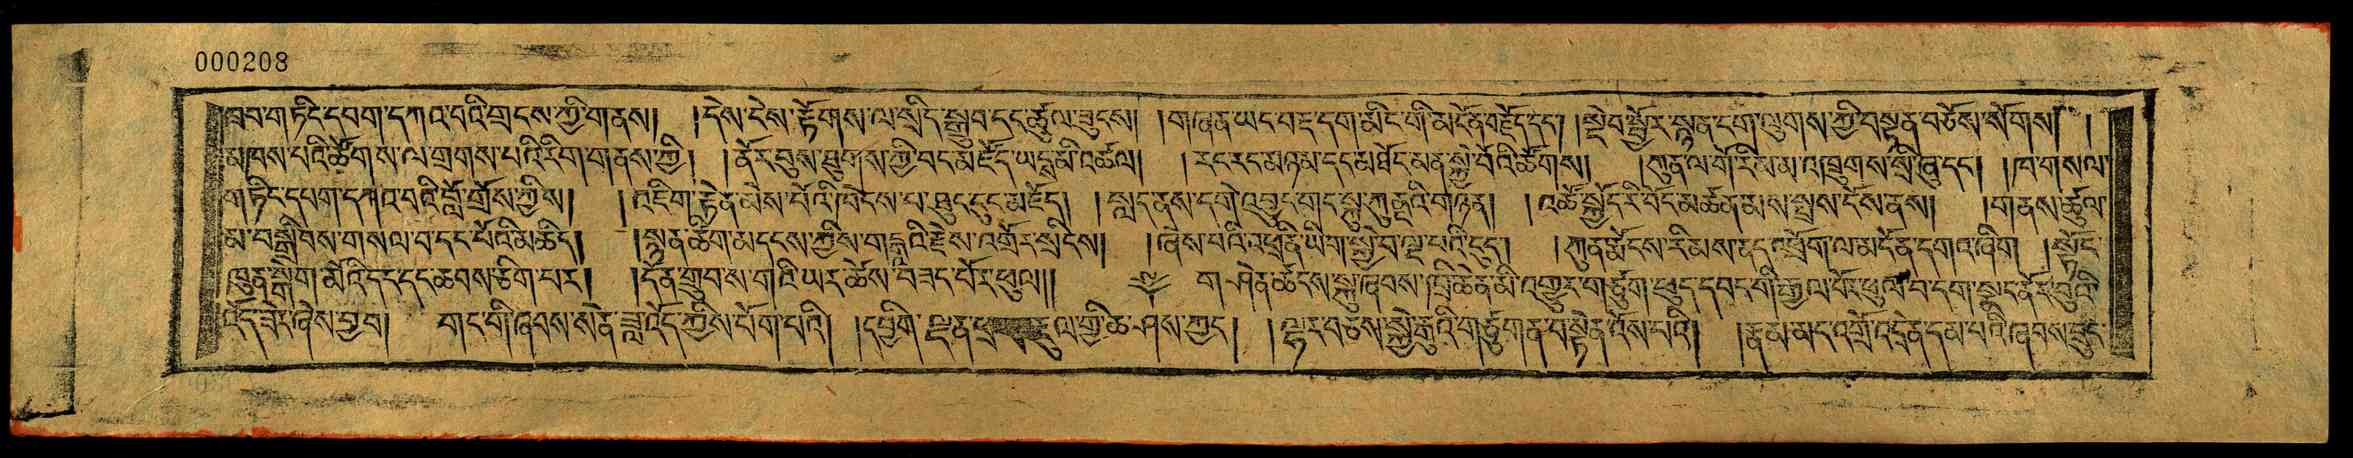ཟབ་གཏིང་དཔག་དཀའ་བའི་གྲངས་ཀྱི་གནས། །ངེས་ངེས་རྟོགས་ལ་སྲིད་སྒྲུབ་དར་ཚུལ་ཟུངས། །གཞན་ཡང་བརྡ་དག་མིང་གི་མངོན་བརྗོད་དང་། །སྡེབ་སྦྱོར་སྙན་ངག་ལུགས་ཀྱི་བསྟན་བཅོས་སོགས། །
མཁས་པའི་ཚོགས་ལ་གྲགས་པའི་རིག་གནས་ཀྱི། །ནོར་བུས་ཐུགས་ཀྱི་བང་མཛོད་ཡངས་མི་འཚལ། །རང་རང་མཉམ་དང་མཐོ་དམན་སྐྱེ་བོའི་ཚོགས། །ཀུན་ལ་གོ་རིམ་མ་འཁྲུགས་སྲི་ཞུ་དང་། །ཁ་གསལ་
གཏིད་དཔག་དཀའ་བའི་བློ་གྲོས་ཀྱིས། །འཇིག་རྟེན་མེས་པོའི་ཁངས་པ་ཐུང་ངུར་མཛོད། །སླད་ནས་དགེ་འབྱུང་གང་སྐུ་ཀུན་དའི་གཉེན། །འཚོ་སྐྱོང་རི་བོང་མཚན་མས་སྤྲས་ངོས་ནས། །གནས་ཚུལ་
མ་བསྒྲིབས་གསལ་བ་དང་པོའི་མཆིད། །སྙོན་ཚིག་མདངས་ཀྱིས་གངའི་རྗེས་འགྲོར་སྲིངས། །ཞེས་པའི་འཕྲིན་ཡིག་སྐྱེ་བ་ལྔ་པའི་ངུ། །ཀུན་རྨོངས་རིམས་ནད་འཕྲོག་ལ་མངོན་དགའ་ཞིག། །སྟོང་
ཁུན་སྒེག་མོའི་དར་དང་ཆབས་ཅིག་པར། །དོན་གྲུབ་ས་གའི་ཁར་ཆོས་བཟང་པོར་ཕུལ།། འ་གཤེན་ཚངས་སྐུ་ཞབས་ཁྲི་ཆེན་མི་འགྱུར་གཙུག་ཕུང་དབང་གི་རྒྱལ་པོར་ཕུལ་བ་དག་སྣང་ནོར་བུའི་
འོད་ཟེར་ཞེས་བྱ་བ། གང་གི་ཞབས་སེན་ཟླ་འོད་ཀྱིས་ཕོག་པའི། །དབྱིག་ལྡན་ཕ་རབ་རྡུལ་གྱི་ཆ་ཤས་ཀྱང་། །ལྷར་བཅས་སྐྱེ་ཆུའི་གཙུག་ན་བསྟེན་འོས་པའི། །རྣམ་མང་འགྲོ་འདྲེན་དམ་པའི་ཞབས་དྲུང་